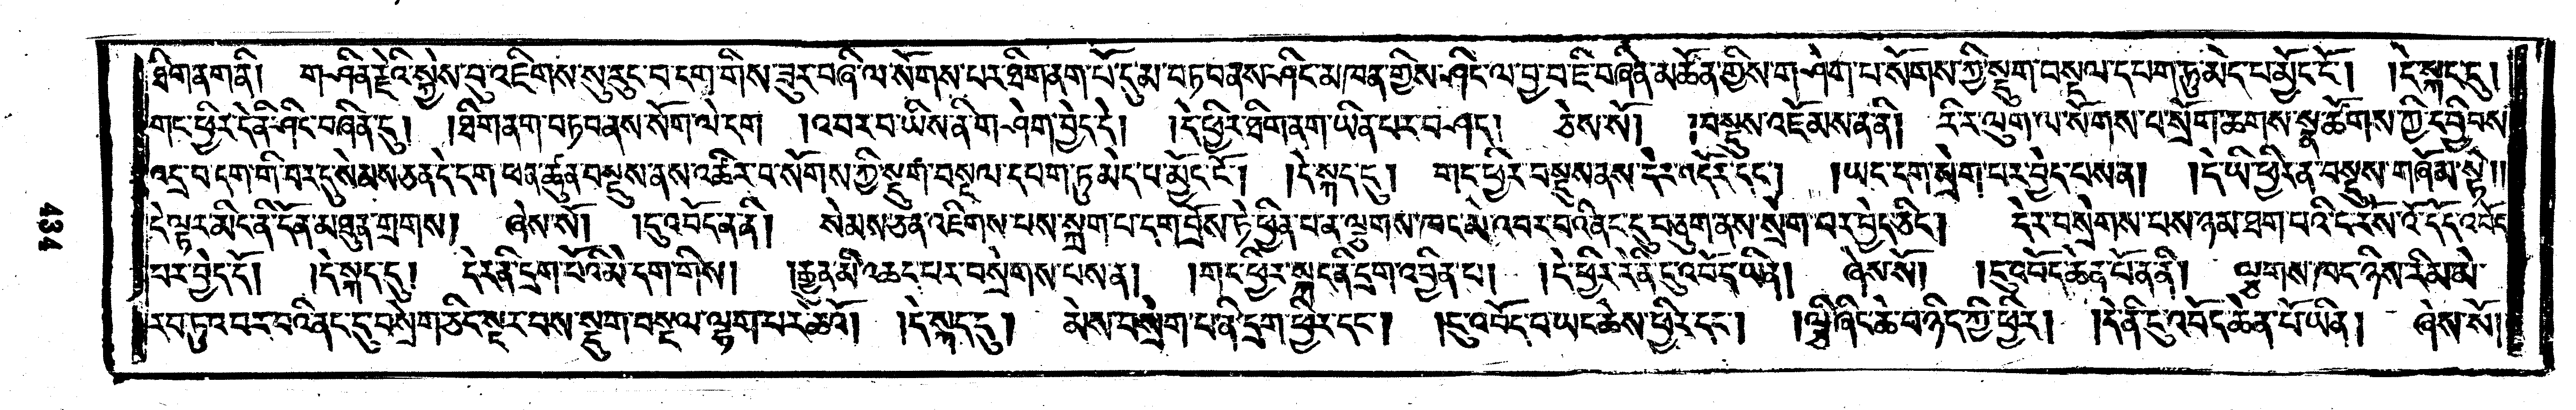ཐིག་ནག་ནི། གཤིན་རྗེའི་སྐྱེས་བུ་འཇིགས་སུ་རུང་བ་དག་གིས་ཟུར་བཞི་ལ་སོགས་པར་ཐིག་ནག་པོ་དུ་མ་བཏབ་ནས་ཤིང་མཁན་གྱིས་ཤིང་ལ་བྱ་བ་ཇི་བཞིན་མཚོན་གྱིས་གཤེག་པ་སོགས་ཀྱི་སྡུག་བསྔལ་དཔག་ཏུ་མེད་པ་མྱོང་ངོ། །དེ་སྐང་དུ།
གང་ཕྱིར་དེ་ནི་ཤིང་བཞིན་དུ། །ཐིག་ནག་བཏབ་ནས་སོག་ལེ་དག །འབར་བ་ཡིས་ནི་གཤེག་བྱེད་དེ། །དེ་ཕྱིར་ཐིག་ནག་ཡིན་པར་བཤད། ཅེས་སོ། །བསྡུས་འཇོམས་ན་ནི། རི་ར་ལུག་ལ་སོགས་པ་སྲོག་ཆགས་སྣ་ཚོགས་ཀྱི་དབྱིབས་
འདྲ་བདག་གི་བར་དུ་སེམས་ཅན་དེ་དག་ཕན་ཚུན་བསྡུས་ནས་འཚིར་བ་སོགས་ཀྱི་སྡུག་བསྔལ་དཔག་ཏུ་མེད་པ་མྱོང་ངོ། །དེ་སྐད་དུ། གང་ཕྱིར་བསྡུས་ནས་དེར་འདོར་དང་། །ཡང་དག་སྲེག་པར་བྱེད་བས་ན། །དེ་ཡི་ཕྱིར་ན་བསྡུས་གཞོམ་སྟེ། །
དེ་ལྟར་མིང་ནི་དོན་མཐུན་གྲགས། ཞེས་སོ། །དུ་འབོད་ན་ནི། སེམས་ཅན་འཇིགས་པས་སྐྲག་པ་དག་བྲོས་ཏེ་ཕྱིན་པ་ན་ལྕགས་ཁང་མེ་འབར་བའི་ནང་དུ་བཅུག་ནས་སྲེག་བར་བྱེད་ཅིང་། དེར་བསྲེགས་པས་ཉམ་ཐག་པའི་ང་རོས་འོ་དོད་འབོང་
པར་བྱེད་དོ། །དེ་སྐད་དུ། དེར་ནི་དྲག་པོའི་མེ་དག་གིས། །རྒྱུན་མི་འཆད་པར་བསྲེགས་པས་ན། །གང་ཕྱིར་སྐང་ནི་དྲག་འབྱིན་པ། །དེ་ཕྱིར་རེ་ནི་ངུ་འབོད་ཡིན། ཞེས་སོ། །ངུ་འབོད་ཆེན་པོ་ན་ནི། ལྕགས་ཁང་ཉིས་རིམ་མེ་
རབ་ཏུ་འབར་བའི་ནང་དུ་བསྲེག་ཅིང་སྔར་བས་སྡུག་བསྔལ་ལྷག་པར་ཆའོ། །དེ་སྐད་དུ། མེས་བསྲེག་པ་ནི་དྲག་ཕྱིར་དང་། །དུ་འབོད་བ་ཡང་ཆེས་ཕྱིར་དང་། །ལྕི་ཞིང་ཆེ་བ་ཉིད་ཀྱི་ཕྱིར། །དེ་ནི་ངུ་འབོད་ཆེན་པོ་ཡིན། ཞེས་སོ།